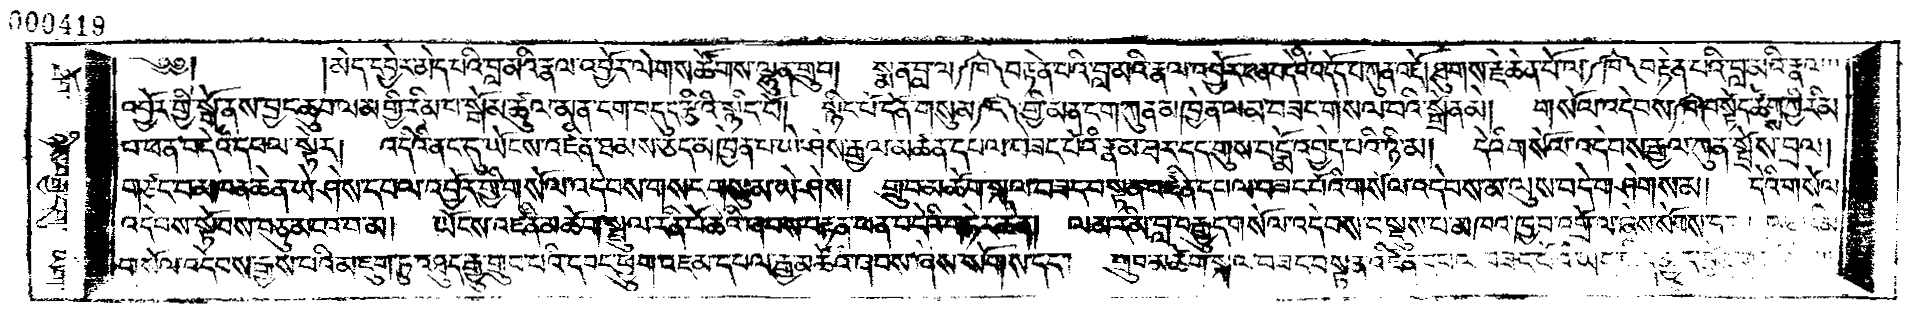༄༅། །མེད་དབྱེར་མེད་པའི་བླ་མའི་རྣལ་འབྱོར་ལེགས་ཚོགས་ལྷུན་གྲུབ། སྨན་བླ་ལ ༼ཁ༽ བརྟེན་པའི་བླ་མའི་རྣལ་འབྱོར་ཕན་བདེའི་འདོད་པ་ཀུན་འཇོ། ཐུགས་རྗེ་ཆེན་པོ་ལ ༼ཁ༽ བརྟེན་པའི་བླ་མའི་རྣལ་
འབྱོར་གྱི་སྒོ་ནས་བྱང་ཆུབ་ལམ་གྱི་རིམ་པ་སྒོམ་ཚུལ་མན་ངག་བདུད་རྩིའི་སྙིང་པོ། སྙིང་པོ་དོན་གསུམ ༼ང༽ གྱི་མན་ངག་ཀུན་མཁྱེན་ལམ་བཟང་གསལ་བའི་སྒྲོན་མེ། གསོལ་དེབས ༼ཁ༽ བསྟོད་ཚོགས་ཀྱི་རིམ་
པ་ཕན་བདེའི་དཔལ་སྟེར། འདིའི་ནང་དུ་ཡོངས་འཛིན་ཐམས་ཅད་མཁྱེན་པ་ཡེ་ཤེས་རྒྱལ་མཚན་དཔལ་བཟང་པོའི་རྣམ་ཐར་དད་འགུགས་པདམོ་འབྱེད་པའི་ཉི་མ། དེའི་གསོལ་འདེབས་རྒྱལ་ཀུན་སྤྲོས་བྲལ།
གཙང་བ་མཁན་ཆེན་ཡེ་ཤེས་དཔལ་འབྱོར་གྱི་གསོལ་འདེབས་གསང་གསུམ་ཡེ་ཤེས། གྲུབ་མཆོག་སྐལ་བཟང་བསྟན་འཛིན་དཔལ་བཟང་པོའི་གསོལ་འདེབས་མ་ལུས་བདེ་གཤེགས་མ། དེའི་གསོལ་
འདེབས་སྟོབས་བཅུ་མངའ་བ་མ། ཡོངས་འཛིན་མཆོག་སྤྲུལ་རིན་པོ་ཆེའི་ཞབས་བརྟན་ཕན་བདེའི་གཏེར་ཆེན། ལམ་རིམ་བླ་མ་བརྒྱུད་གསོལ་འདེབས་བསྡུས་པ་མཁའ་ཁྱབ་གྲོལ་ཞེས་སོགས་དང་། ལམ་རིམ་
གསོལ་འདེབས་རྒྱས་པའི་མཇུག་ཏུ་འཐུན་རྒྱུ་གྲུབ་པའི་དབང་ཕྱུག་འཇམ་དཔལ་རྒྱ་མཚོའི་ཞབས་ཞེས་སོགས་དང་། གྲུབ་མཆོག་སྐལ་བཟང་བསྟན་འཛིན་དཔལ་བཟང་པོའི་ཡང་སྲིད་མྱུར་བྱོན་གསོལ་